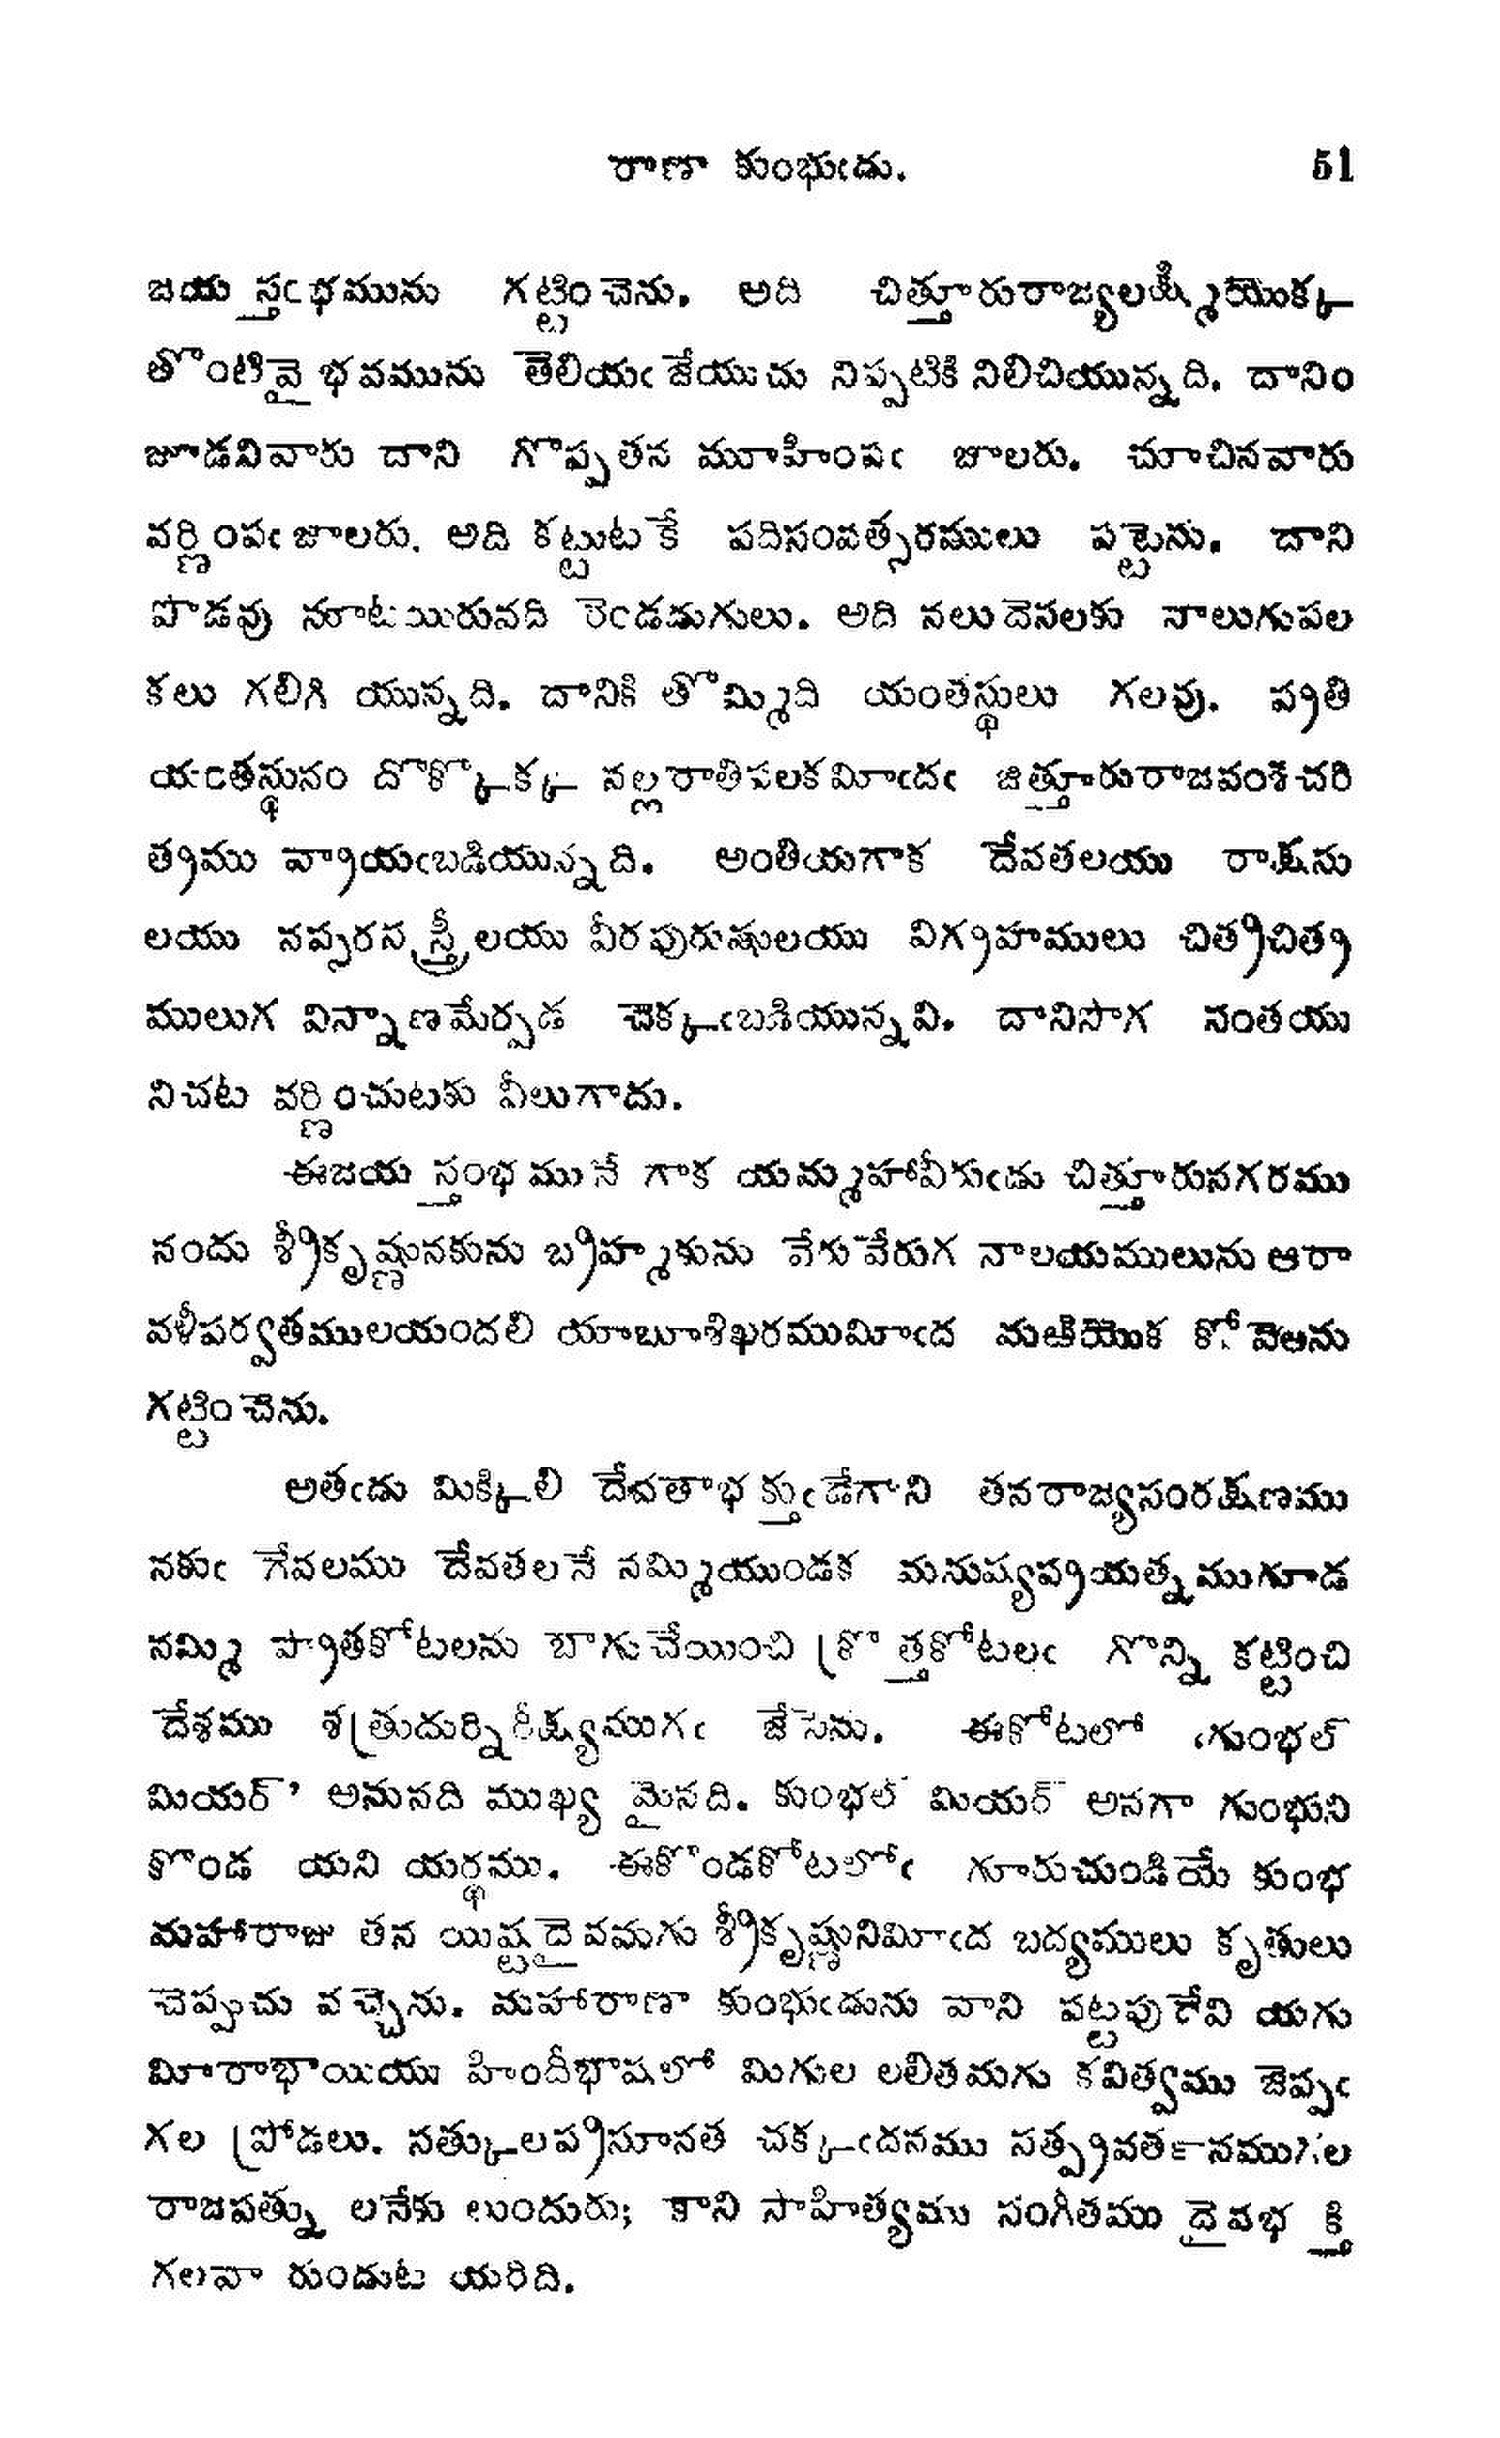జయ స్తంభమును గట్టించెను, అది చిత్తూరురాజ్యలక్మి యొక్క తొంటి వైభవమును తెలియఁ జేయుచు నిప్పటికీ నిలిచియున్నది. దానిం
జూడనివారు దాని గొప్పతన మూహింపఁ జాలరు. చూచిన వారు వర్ణింపఁజాలరు, అది కట్టుటకే పదిసంవత్సరములు పట్టెసు. దాని
పొడవు నూట యిరువది రెండడుగులు. అది నలుదెసలకు నాలుగుపలకలు గలిగి యున్నది. దానికి తొమ్మిది యంతస్థులు గలవు. ప్రతి
యంతస్థునం దొక్కోక్క నల్ల రాతి పలక మీఁదఁ జిత్తూరు రాజవంశి చరిత్రము వ్రాయఁబడియున్నది. అంతియగాక దేవతలయు రాక్షసు
లయు నప్సరస స్త్రీలయు వీర పురుషులయు విగ్రహములు చిత్రచిత్రములుగ విన్నాణ మేర్పడ చెక్కఁబడియున్నవి. దానిసొగ సంతయు
నిచట వర్ణించుటకు వీలుగాదు.

ఈజయ స్తంభము నే గాక యమ్మహావీరుఁడు చిత్తూరునగరము సందు శ్రీకృష్ణునకును బ్రహ్మకును వేరు వేరుగ నాలయములును ఆరా
వళీ పర్వతములయందలి యాబూశిఖరముమీఁద మఱియొక కోవెలను గట్టించెను.

అతఁడు మిక్కిలి దేవతాభ క్తుఁ డేగాని తన రాజ్య సంరక్షణమునకుఁ గేవలము దేవతలనే నమ్మియుండక మనుష్య ప్రయత్నముగూడ
నమ్మి పాతకోటలను బాగు చేయించి క్రోత్తకోటలఁ గొన్ని కట్టించి దేశము శత్రుదుర్ని రీక్ష్యముగఁ జేసెను. ఈకోటలో గుంభల్
మియర్ ' అనునది ముఖ్యమైనది. కుంభల్' మీయర్" అనగా గుంభునికొండ యని యర్ధము, ఈకొండకోటలోఁ గూరుచుండియే కుంభ
మహారాజు తన యిష్ట దైవమగు శ్రీకృష్ణునిమీఁద బద్యములు కృతులు చెప్పుచు వచ్చెను. మహారాణా కుంభుఁడును వాని పట్టపుదేవి యగు
మీరాభాయియు హిందీ భాషలో మిగుల లలితమగు కవిత్వము జెప్పగల ప్రోడలు, సత్కులప్రసూనత చక్కఁదనము సత్ప్రవత౯నముగల
రాజపత్ను లనేకు లుందురు; కాని సాహిత్యము సంగీతము దైవభక్తి గలవా రుండుట యరిది.